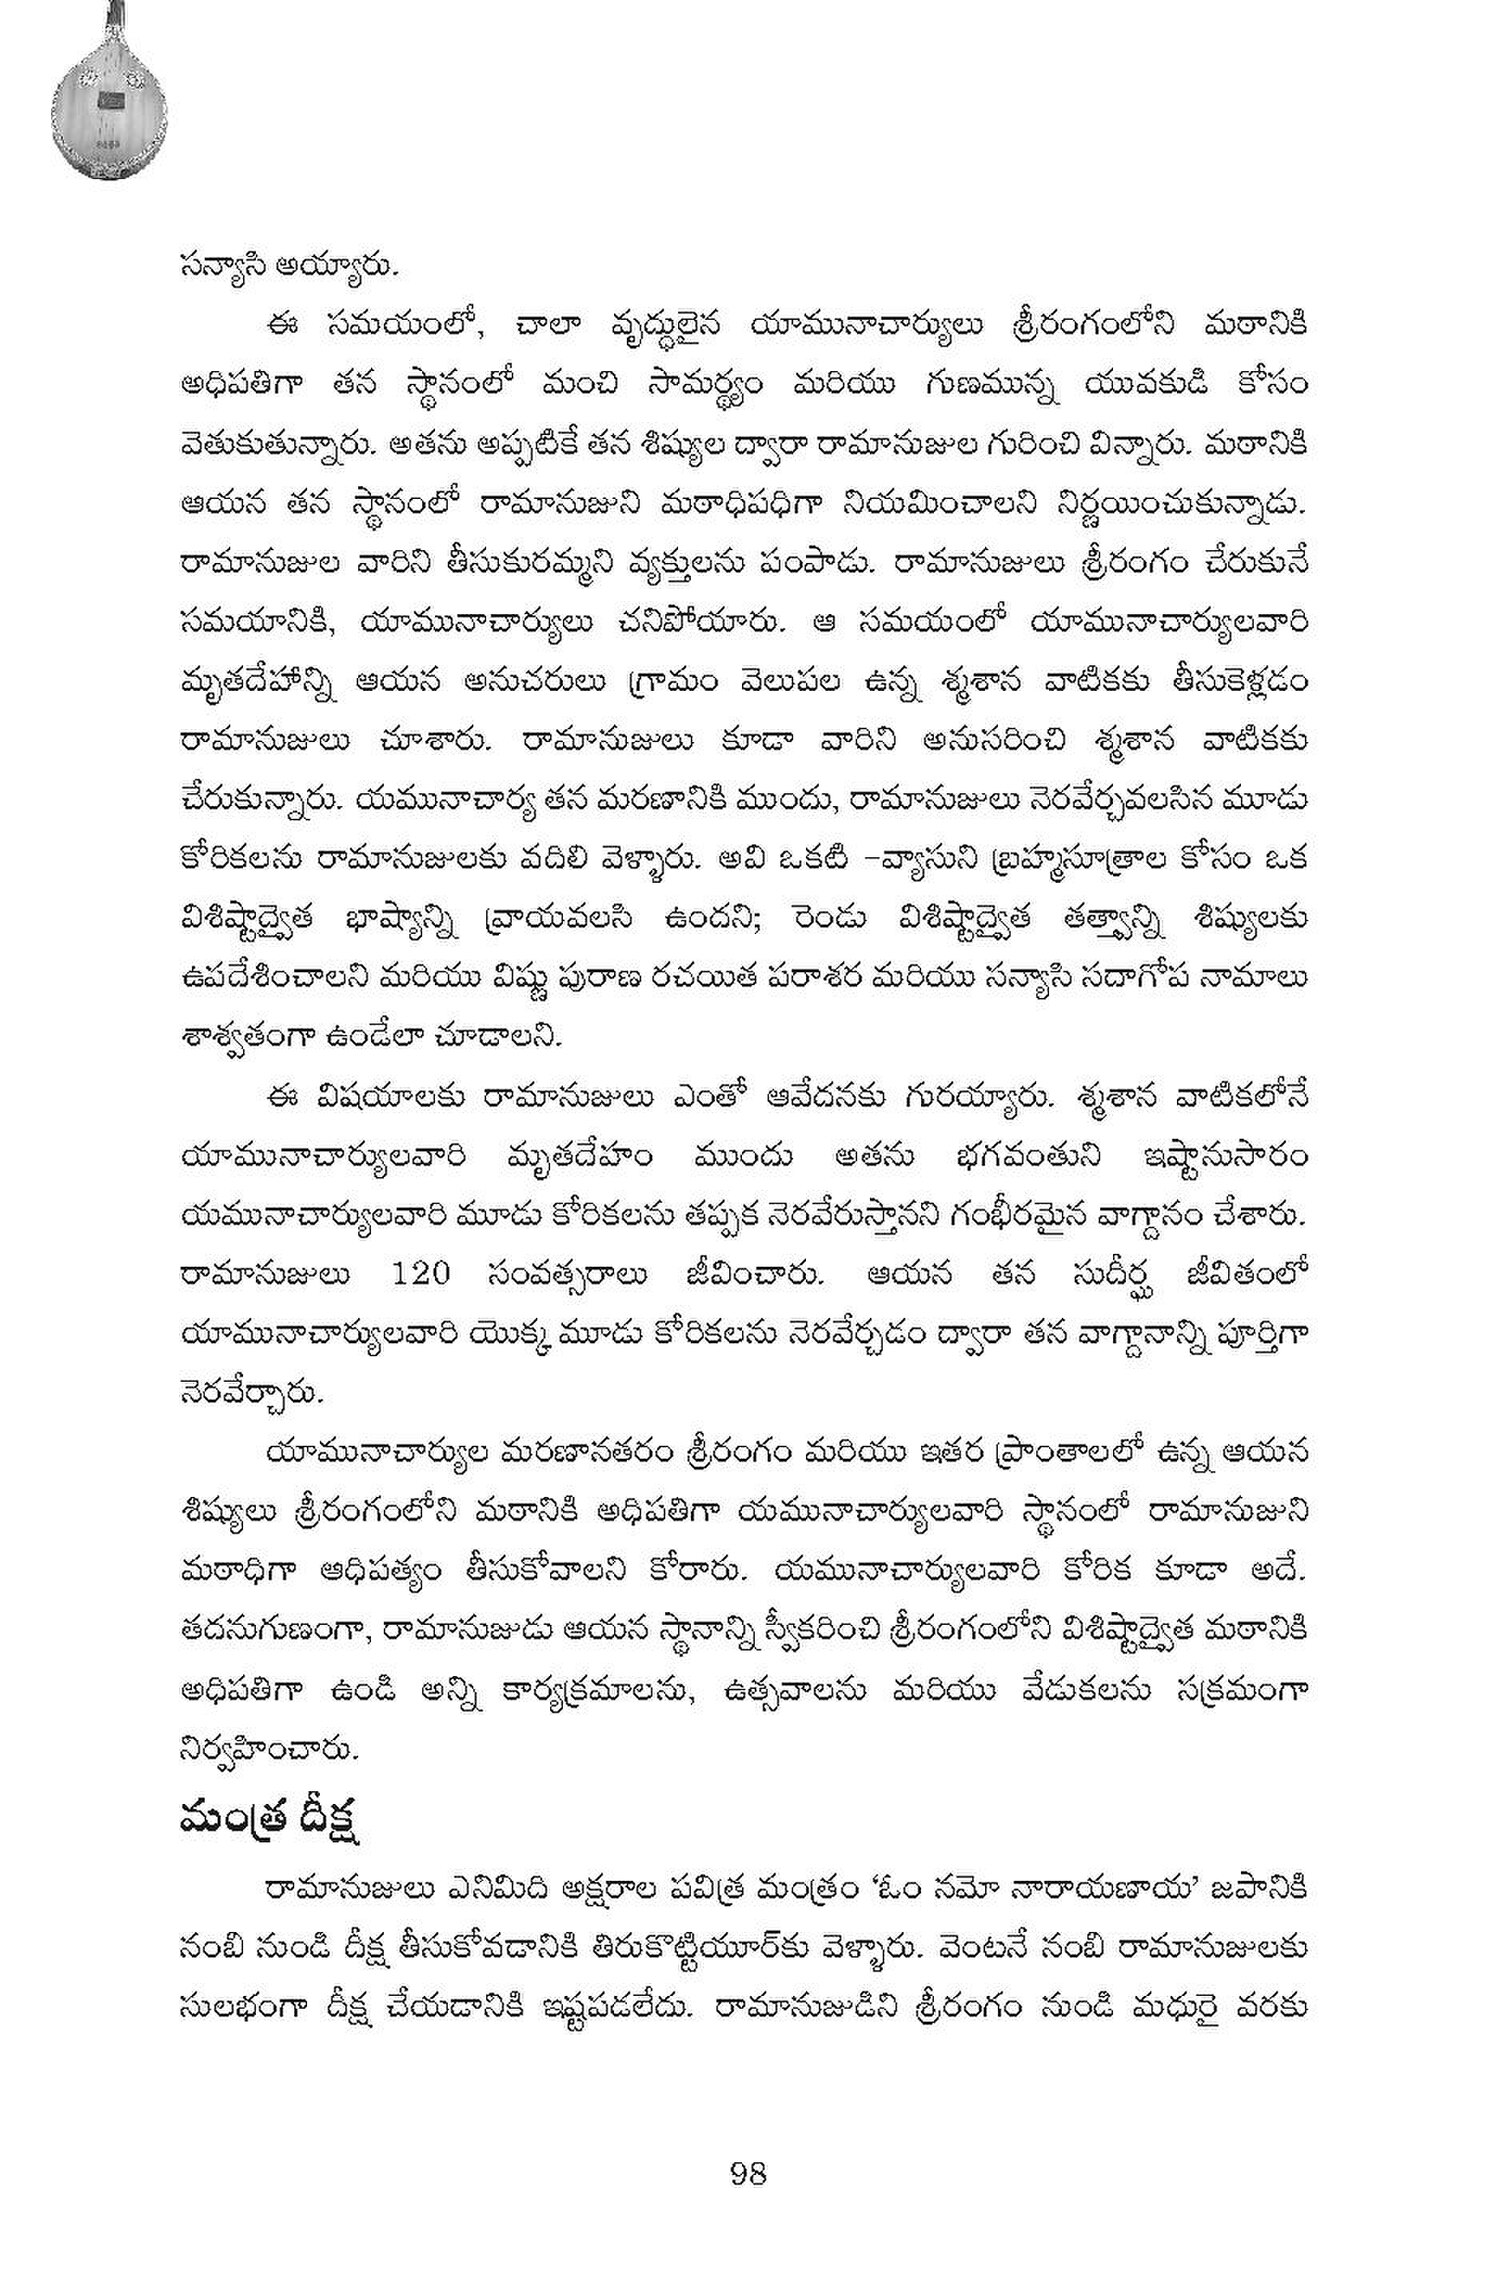సన్యాసి అయ్యారు.

ఈ సమయంలో, చాలా వృద్ధులైన యామునాచార్యులు శ్రీరంగంలోని మఠానికి అధిపతిగా తన స్థానంలో మంచి సామర్థ్యం మరియు గుణమున్న యువకుడి కోసం వెతుకుతున్నారు. అతను అప్పటికే తన శిష్యుల ద్వారా రామానుజుల గురించి విన్నారు. మఠానికి ఆయన తన స్థానంలో రామానుజుని మఠాధిపధిగా నియమించాలని నిర్ణయించుకున్నాడు. రామానుజుల వారిని తీసుకురమ్మని వ్యక్తులను పంపాడు. రామానుజులు శ్రీరంగం చేరుకునే సమయానికి, యామునాచార్యులు చనిపోయారు. ఆ సమయంలో యామునాచార్యులవారి మృతదేహాన్ని ఆయన అనుచరులు గ్రామం వెలుపల ఉన్న శ్మశాన వాటికకు తీసుకెళ్లడం రామానుజులు చూశారు. రామానుజులు కూడా వారిని అనుసరించి శ్మశాన వాటికకు చేరుకున్నారు. యమునాచార్య తన మరణానికి ముందు, రామానుజులు నెరవేర్చవలసిన మూడు కోరికలను రామానుజులకు వదిలి వెళ్ళారు. అవి ఒకటి - వ్యాసుని బ్రహ్మసూత్రాల కోసం ఒక విశిష్టాద్వైత భాష్యాన్ని వ్రాయవలసి ఉందని; రెండు విశిష్టాద్వైత తత్త్వాన్ని శిష్యులకు ఉపదేశించాలని మరియు విష్ణు పురాణ రచయిత పరాశర మరియు సన్యాసి సదాగోప నామాలు
శాశ్వతంగా ఉండేలా చూడాలని.

ఈ విషయాలకు రామానుజులు ఎంతో ఆవేదనకు గురయ్యారు. శ్మశాన వాటికలోనే యామునాచార్యులవారి మృతదేహం ముందు అతను భగవంతుని ఇష్టానుసారం యమునాచార్యులవారి మూడు కోరికలను తప్పక నెరవేరుస్తానని గంభీరమైన వాగ్దానం చేశారు. రామానుజులు 120 సంవత్సరాలు జీవించారు. ఆయన తన సుదీర్ఘ జీవితంలో యామునాచార్యులవారి యొక్క మూడు కోరికలను నెరవేర్చడం ద్వారా తన వాగ్దానాన్ని పూర్తిగా నెరవేర్చారు.

యామునాచార్యుల మరణానతరం శ్రీరంగం మరియు ఇతర ప్రాంతాలలో ఉన్న ఆయన శిష్యులు శ్రీరంగంలోని మఠానికి అధిపతిగా యమునాచార్యులవారి స్థానంలో రామానుజుని మఠాధిగా ఆధిపత్యం తీసుకోవాలని కోరారు. యమునాచార్యులవారి కోరిక కూడా అదే. తదనుగుణంగా, రామానుజుడు ఆయన స్థానాన్ని స్వీకరించి శ్రీరంగంలోని విశిష్టాద్వైత మఠానికి అధిపతిగా ఉండి అన్ని కార్యక్రమాలను, ఉత్సవాలను మరియు వేడుకలను సక్రమంగా నిర్వహించారు.

మంత్ర దీక్ష 

రామానుజులు ఎనిమిది అక్షరాల పవిత్ర మంత్రం 'ఓం నమో నారాయణాయ' జపానికి నంబి నుండి దీక్ష తీసుకోవడానికి తిరుకొట్టియూర్కు వెళ్ళారు. వెంటనే నంబి రామానుజులకు సులభంగా దీక్ష చేయడానికి ఇష్టపడలేదు. రామానుజుడిని శ్రీరంగం నుండి మధురై వరకు